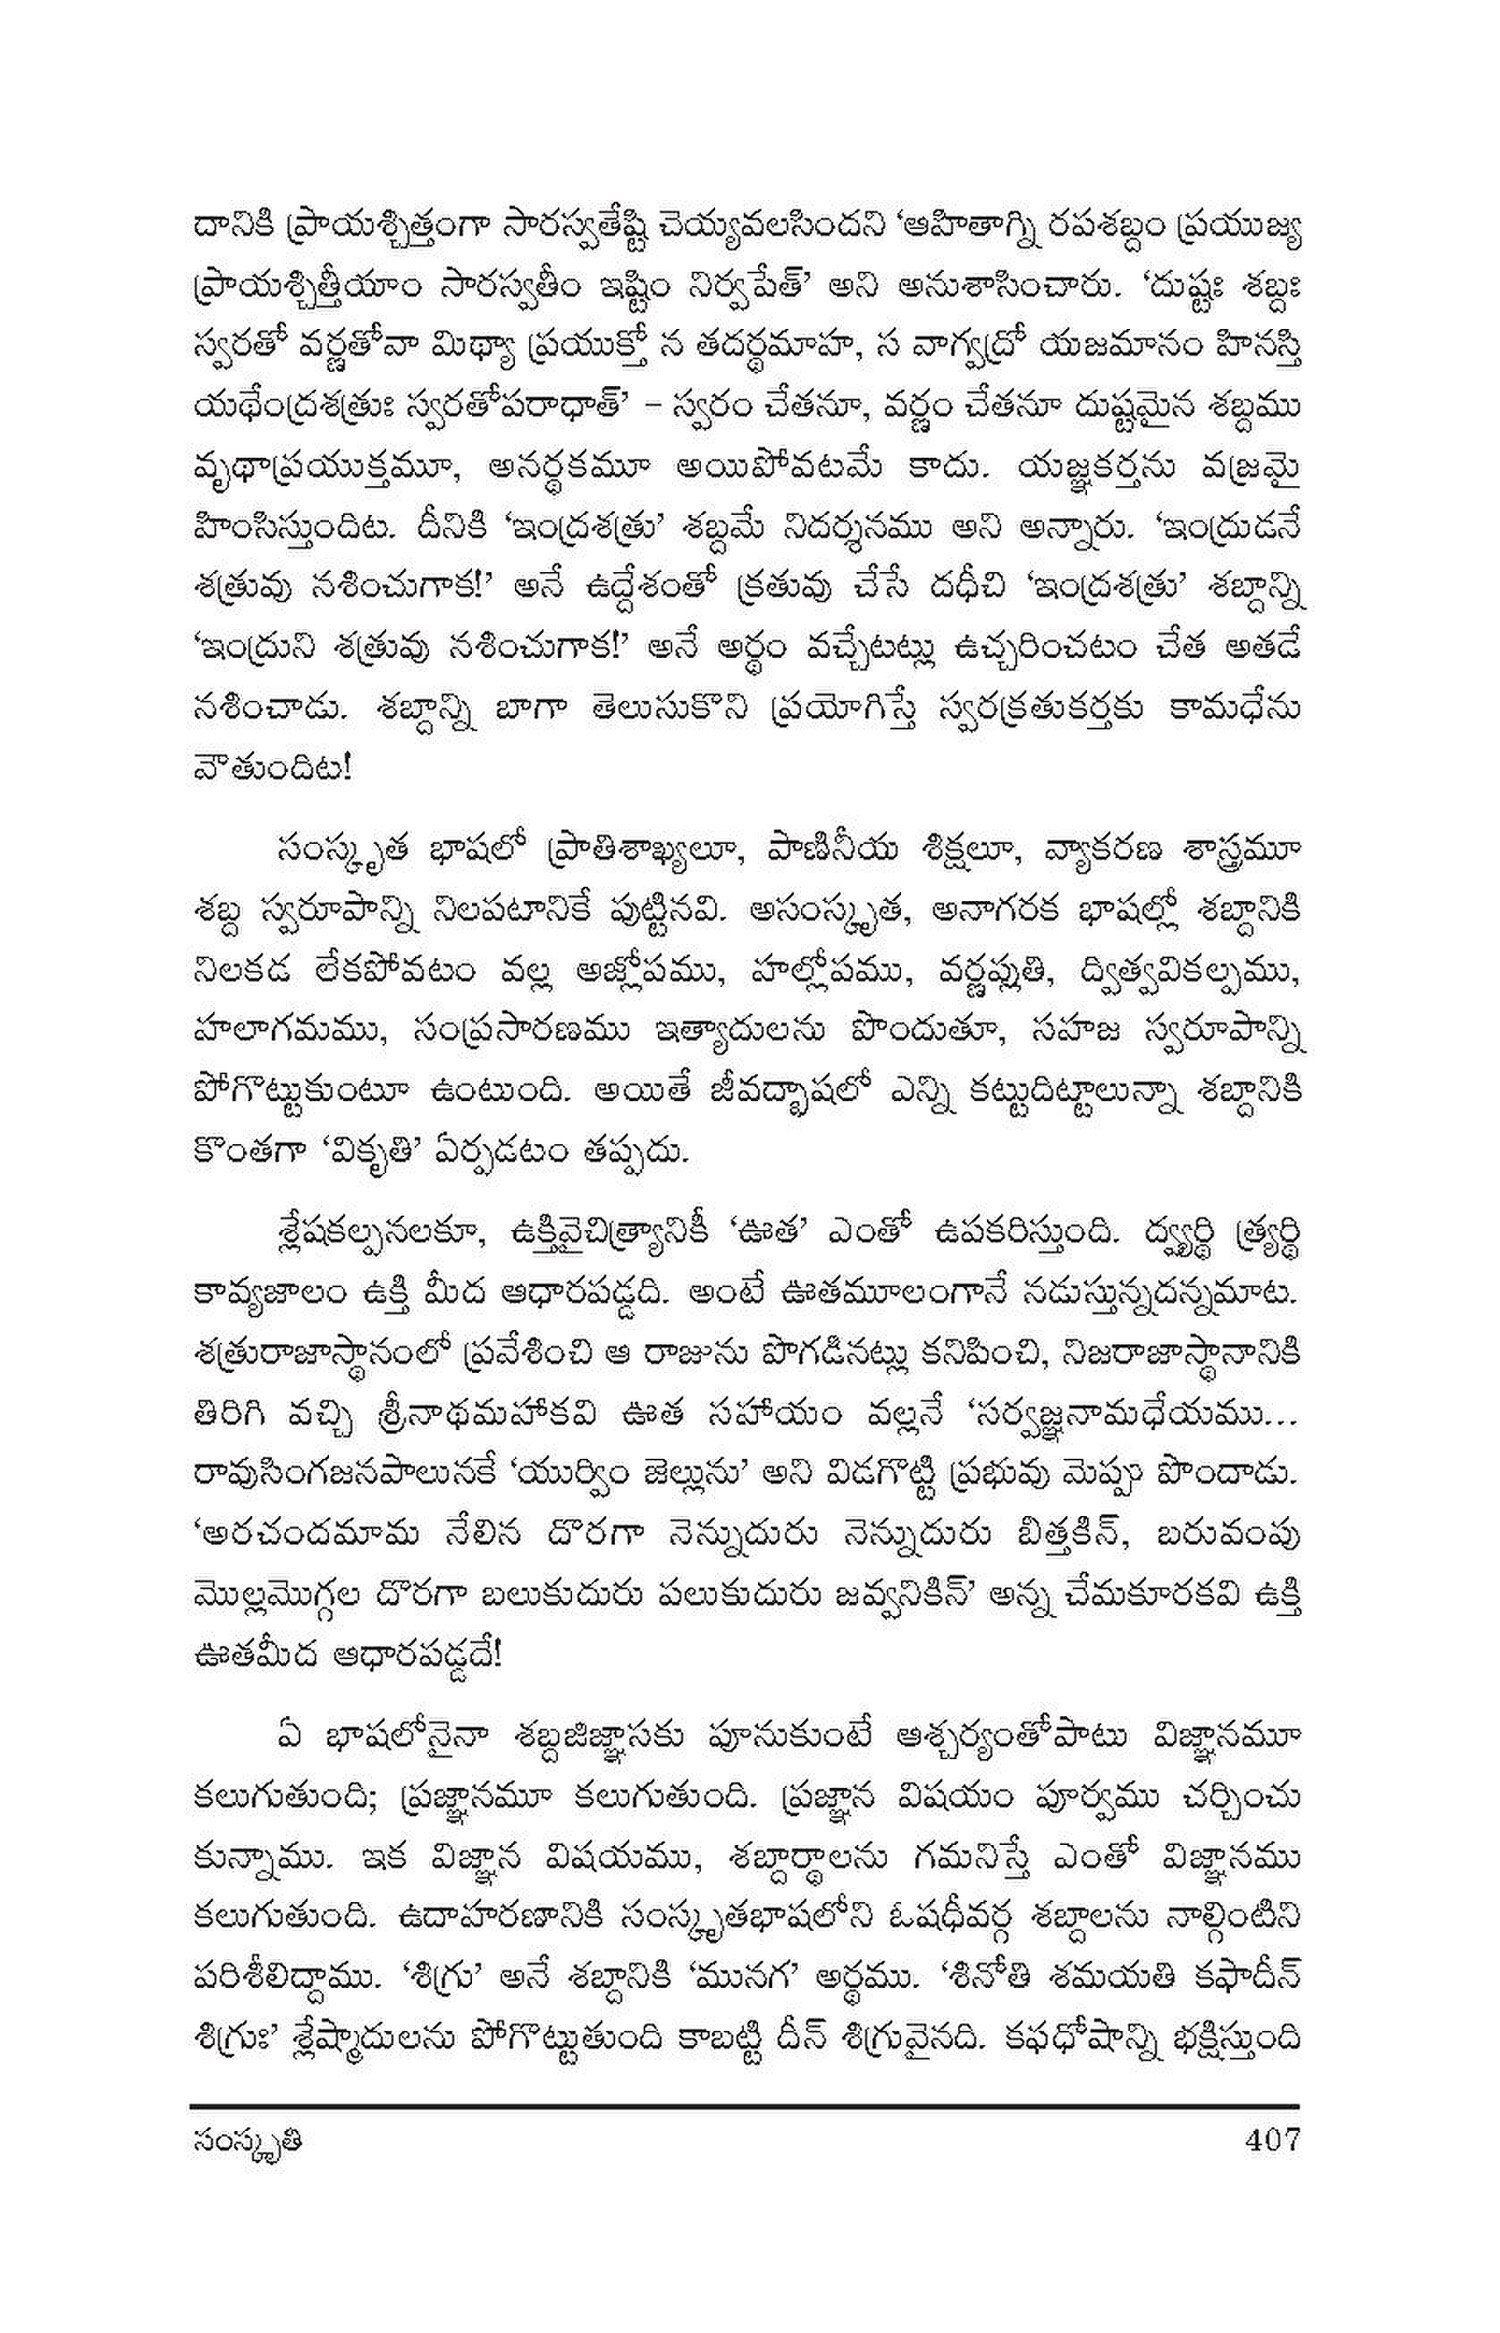దానికి ప్రాయశ్చిత్తంగా సారస్వతేష్టి చెయ్యవలసిందని 'ఆహితాగ్ని రపశబ్దం ప్రయుజ్య
ప్రాయశ్చిత్తీయాం సారస్వతీం ఇష్టం నిర్వపేత్' అని అనుశాసించారు. 'దుష్టః శబ్దః
స్వరతో వర్ణతోవా మిథ్యా ప్రయుక్తో న తదర్ధమాహ, స వాగ్వద్రో యజమానం హినస్తి
యథేంద్రశత్రుః స్వరతోపరాధాత్' - స్వరం చేతనూ, వర్ణం చేతనూ దుష్టమైన శబ్దము
వృథాప్రయుక్తమూ, అనర్థకమూ అయిపోవటమే కాదు. యజ్ఞకర్తను వజ్రమై
హింసిస్తుందిట. దీనికి 'ఇంద్రశత్రు' శబ్దమే నిదర్శనము అని అన్నారు. 'ఇంద్రుడనే
శత్రువు నశించుగాక!' అనే ఉద్దేశంతో క్రతువు చేసే దధీచి 'ఇంద్రశత్రు' శబ్దాన్ని
'ఇంద్రుని శత్రువు నశించుగాక!' అనే అర్థం వచ్చేటట్లు ఉచ్చరించటం చేత అతడే
నశించాడు. శబ్దాన్ని బాగా తెలుసుకొని ప్రయోగిస్తే స్వరక్రతుకర్తకు కామధేను
వౌతుందిట!

సంస్కృత భాషలో ప్రాతిశాఖ్యలూ, పాణినీయ శిక్షలూ, వ్యాకరణ శాస్త్రమూ
శబ్ద స్వరూపాన్ని నిలపటానికే పుట్టినవి. అసంస్కృత, అనాగరిక భాషల్లో శబ్దానికి
నిలకడ లేకపోవటం వల్ల అజ్లోపము, హల్లోపము, వర్ణపతి, ద్విత్వవికల్పము,
హలాగమము, సంప్రసారణము ఇత్యాదులను పొందుతూ, సహజ స్వరూపాన్ని
పోగొట్టుకుంటూ ఉంటుంది. అయితే జీవద్భాషలో ఎన్ని కట్టుదిట్టాలున్నా శబ్దానికి
కొంతగా 'వికృతి' ఏర్పడటం తప్పదు.

శ్లేషకల్పనలకూ, ఉక్తివైచిత్రానికీ 'ఊత' ఎంతో ఉపకరిస్తుంది. ద్వ్యర్థి త్ర్యర్థి
కావ్యజాలం ఉక్తి మీద ఆధారపడ్డది. అంటే ఊతమూలంగానే నడుస్తున్నదన్నమాట.
శత్రురాజాస్థానంలో ప్రవేశించి ఆ రాజును పొగడినట్లు కనిపించి, నిజరాజాస్థానానికి
తిరిగి వచ్చి శ్రీనాథమహాకవి ఊత సహాయం వల్లనే 'సర్వజ్ఞ నామధేయము...
రావుసింగజనపాలునకే 'యుర్విం జెల్లును' అని విడగొట్టి ప్రభువు మెప్పు పొందాడు.
'అరచందమామ నేలిన దొరగా నెన్నుదురు నెన్నుదురు బిత్తకిన్, బరువంపు
మొల్లమొగ్గల దొరగా బలుకుదురు పలుకుదురు జవ్వనికిన్' అన్న చేమకూరకవి ఉక్తి
ఊతమీద ఆధారపడ్డదే!

ఏ భాషలోనైనా శబ్దజిజ్ఞాసకు పూనుకుంటే ఆశ్చర్యంతోపాటు విజ్ఞానమూ
కలుగుతుంది; ప్రజ్ఞానమూ కలుగుతుంది. ప్రజ్ఞాన విషయం పూర్వము చర్చించు
కున్నాము. ఇక విజ్ఞాన విషయము, శబ్దార్థాలను గమనిస్తే ఎంతో విజ్ఞానము
కలుగుతుంది. ఉదాహరణానికి సంస్కృతభాషలోని ఓషధీవర్గ శబ్దాలను నాల్గింటిని
పరిశీలిద్దాము. 'శిగ్రు' అనే శబ్దానికి 'మునగ' అర్థము. 'శినోతి శమయతి కఫాదీన్
శిగ్రుః' శ్లేష్మాదులను పోగొట్టుతుంది కాబట్టి దీన్ శిగ్రువైనది. కఫదోషాన్ని భక్షిస్తుంది